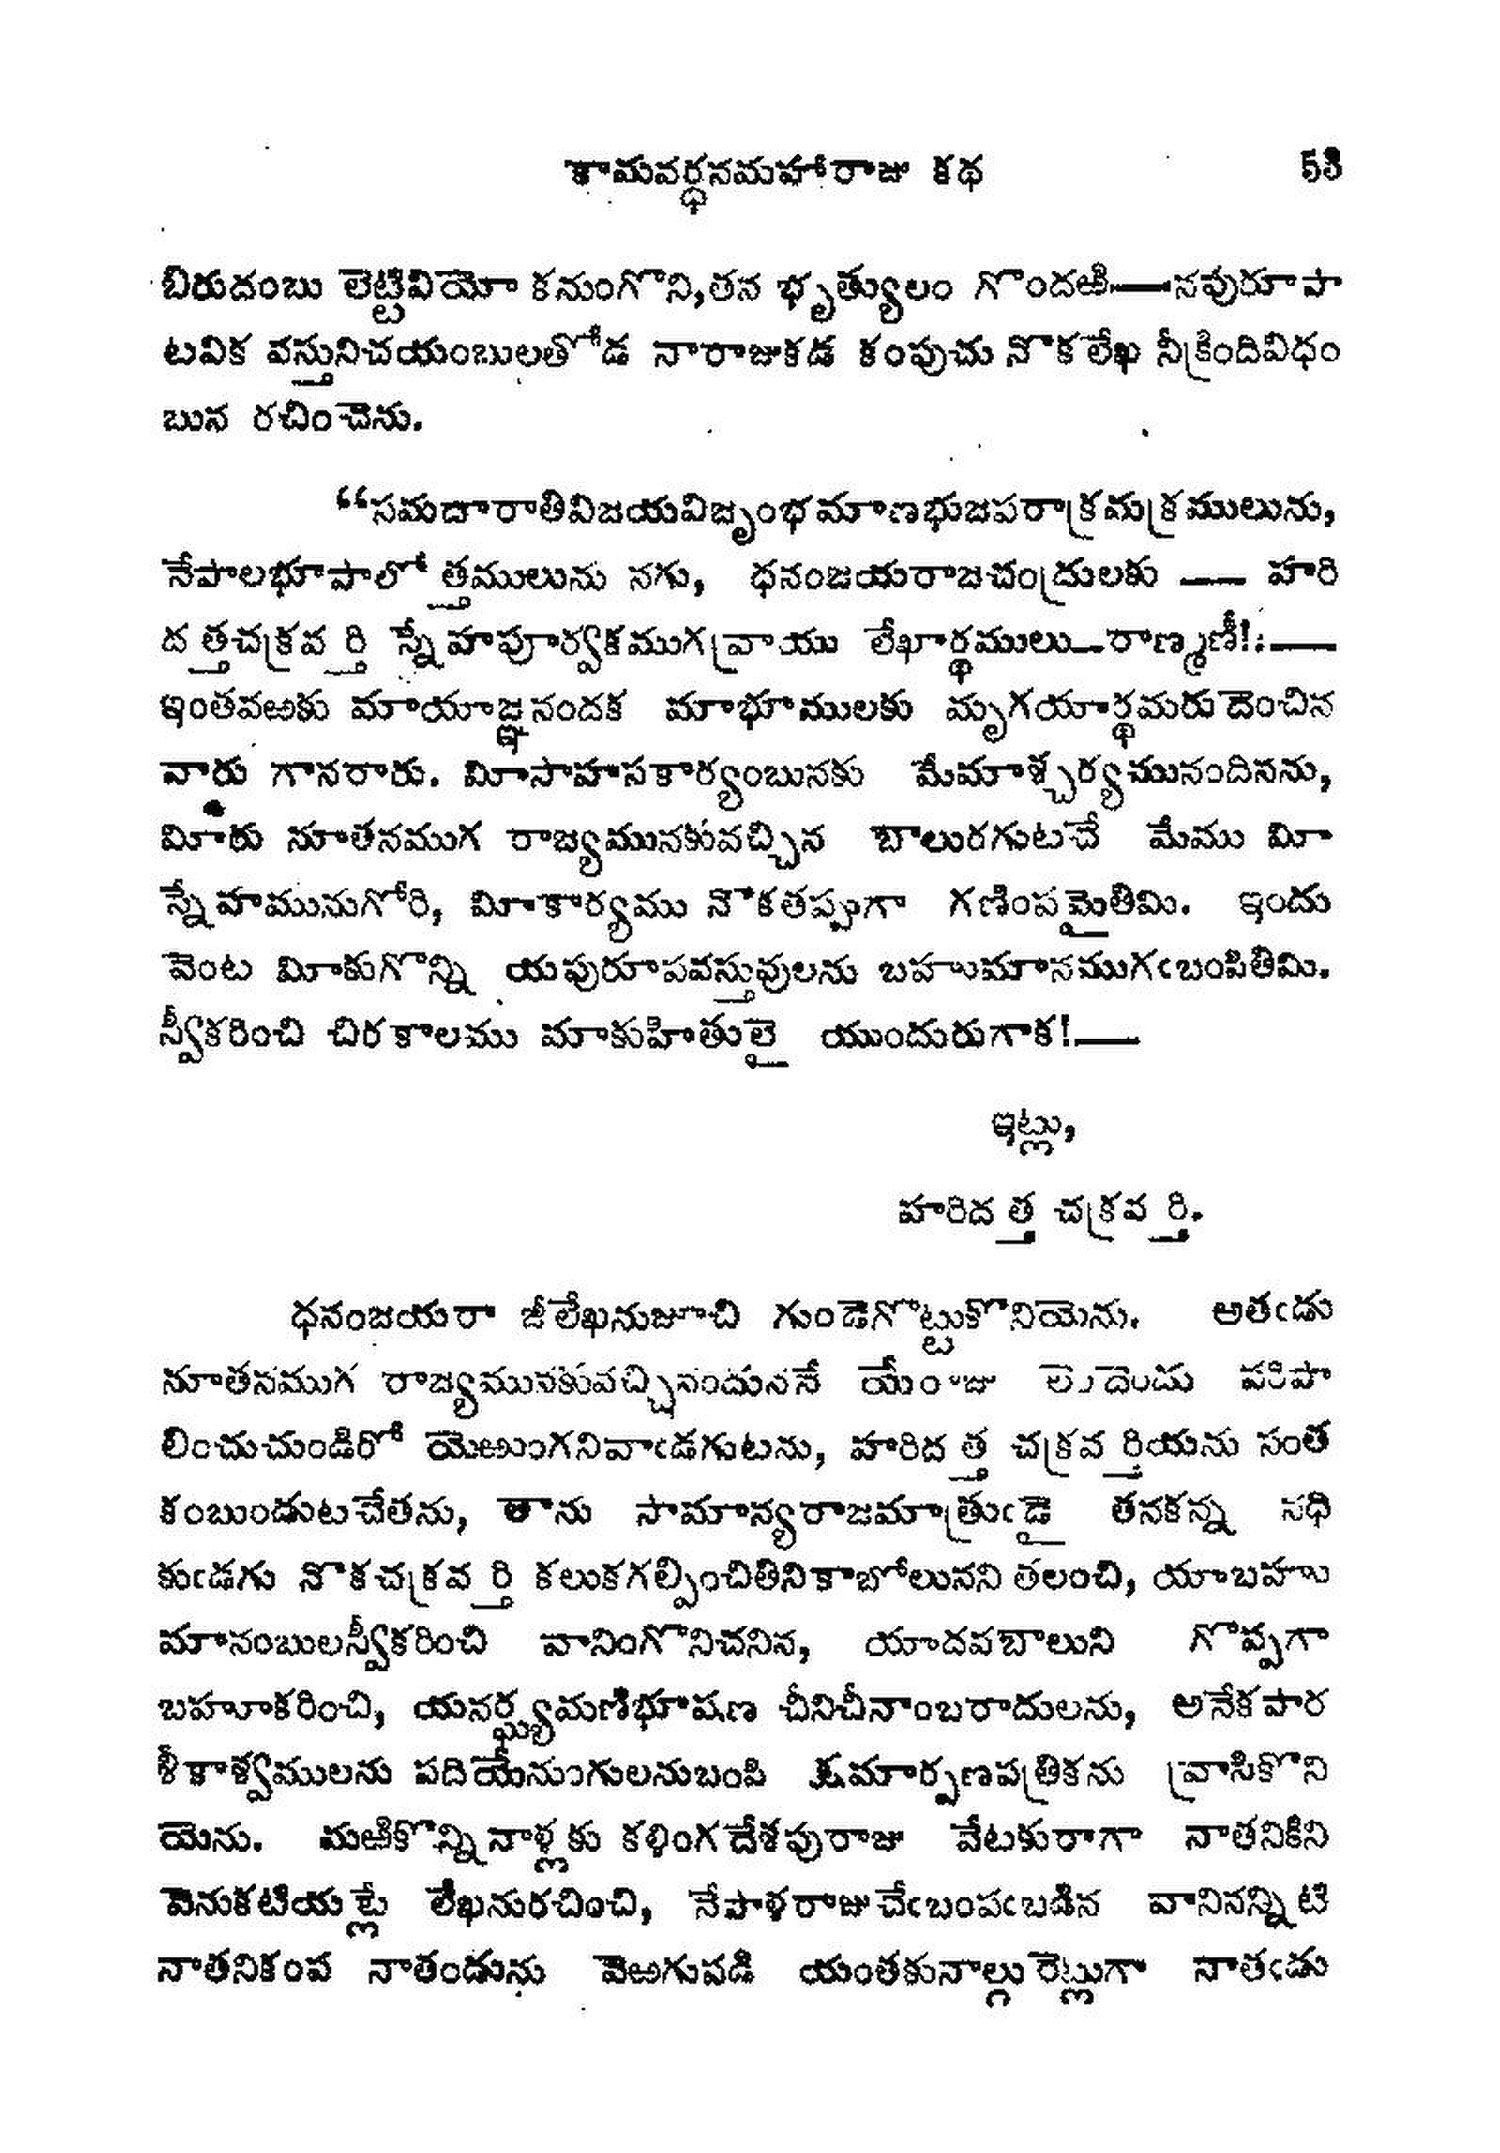బిరుదంబు లెట్టివియో కనుంగొని, తన భృత్యులం గొందఱి——నపురూపాటవిక వస్తునిచయంబులతోడ నారాజుకడ కంపుచు నొక లేఖ నీక్రింది విధంబున రచించెను.

“సమదారాతి విజయ విజృంభమాణభుజపరాక్రమక్రములును, నేపాలభూపాలోత్తములును నగు, ధనంజయరాజచంద్రులకు——హరిదత్త చక్రవర్తి స్నేహపూర్వకముగ వ్రాయు లేఖార్థములు.——రాణ్మణీ!—— ఇంతవఱకు మాయాజ్ఞ నందక మాభూములకు మృగయార్థమరు దెంచిన వారు గానరారు. మీసాహసకార్యంబునకు మేమాశ్చర్యమునందినను, మీరు నూతనముగ రాజ్యమునకు వచ్చిన బాలురగుటచే మేము మీ స్నేహమునుగోరి, మీ కార్యము నోకతప్పుగా గణింపమైతిమి. ఇందువెంట మీకు గొన్ని యపురూపవస్తువులను బహుమానముగఁబంపితిమి. స్వీకరించి చిరకాలము మాకుహితులై యుందురుగాక! ——
ఇట్లు,
హరిదత్త చక్రవర్తి.

ధనంజయరా జీలేఖనుజూచి గుండెగొట్టుకొనియెను. అతఁడు నూతనముగ రాజ్యమునకు వచ్చినందుననే యేరాజు
లెదెందు పరిపాలించుచుండిరో యెణుంగనివాఁడగుటను, హరిదత్త చక్రవర్తియను సంతకంబుండుట చేతను, తాను సామాన్య రాజమాత్రుఁడై తనకన్న నదికుఁడగు నొకచక్రవర్తి కలుక గల్పించితిని కాబోలునని తలంచి, యాబహుమానంబుల స్వీకరించి వానింగొనిచనిన, యాదవబాలుని గొప్పగా బహూకరించి, యనర్ఘ్యమణిభూషణ చీనిచీనాంబరాదులను, అనేక పారశీకాశ్వములను పదియేనుగులనుబంపి క్షమార్పణపత్రికను వ్రాసికొనియెను. మణికొన్ని నాళ్లకు కళింగ దేశపు రాజు వేటకురాగా నాతనికిని వెనుకటియట్లె లేఖనురచించి, నేపాళ రాజుచేఁ బంపఁబడిన వానినన్నిటి నాతనికంప నాతండును వెఱగుపడి యంతకు నాల్గు రెట్లుగా నాతఁడు